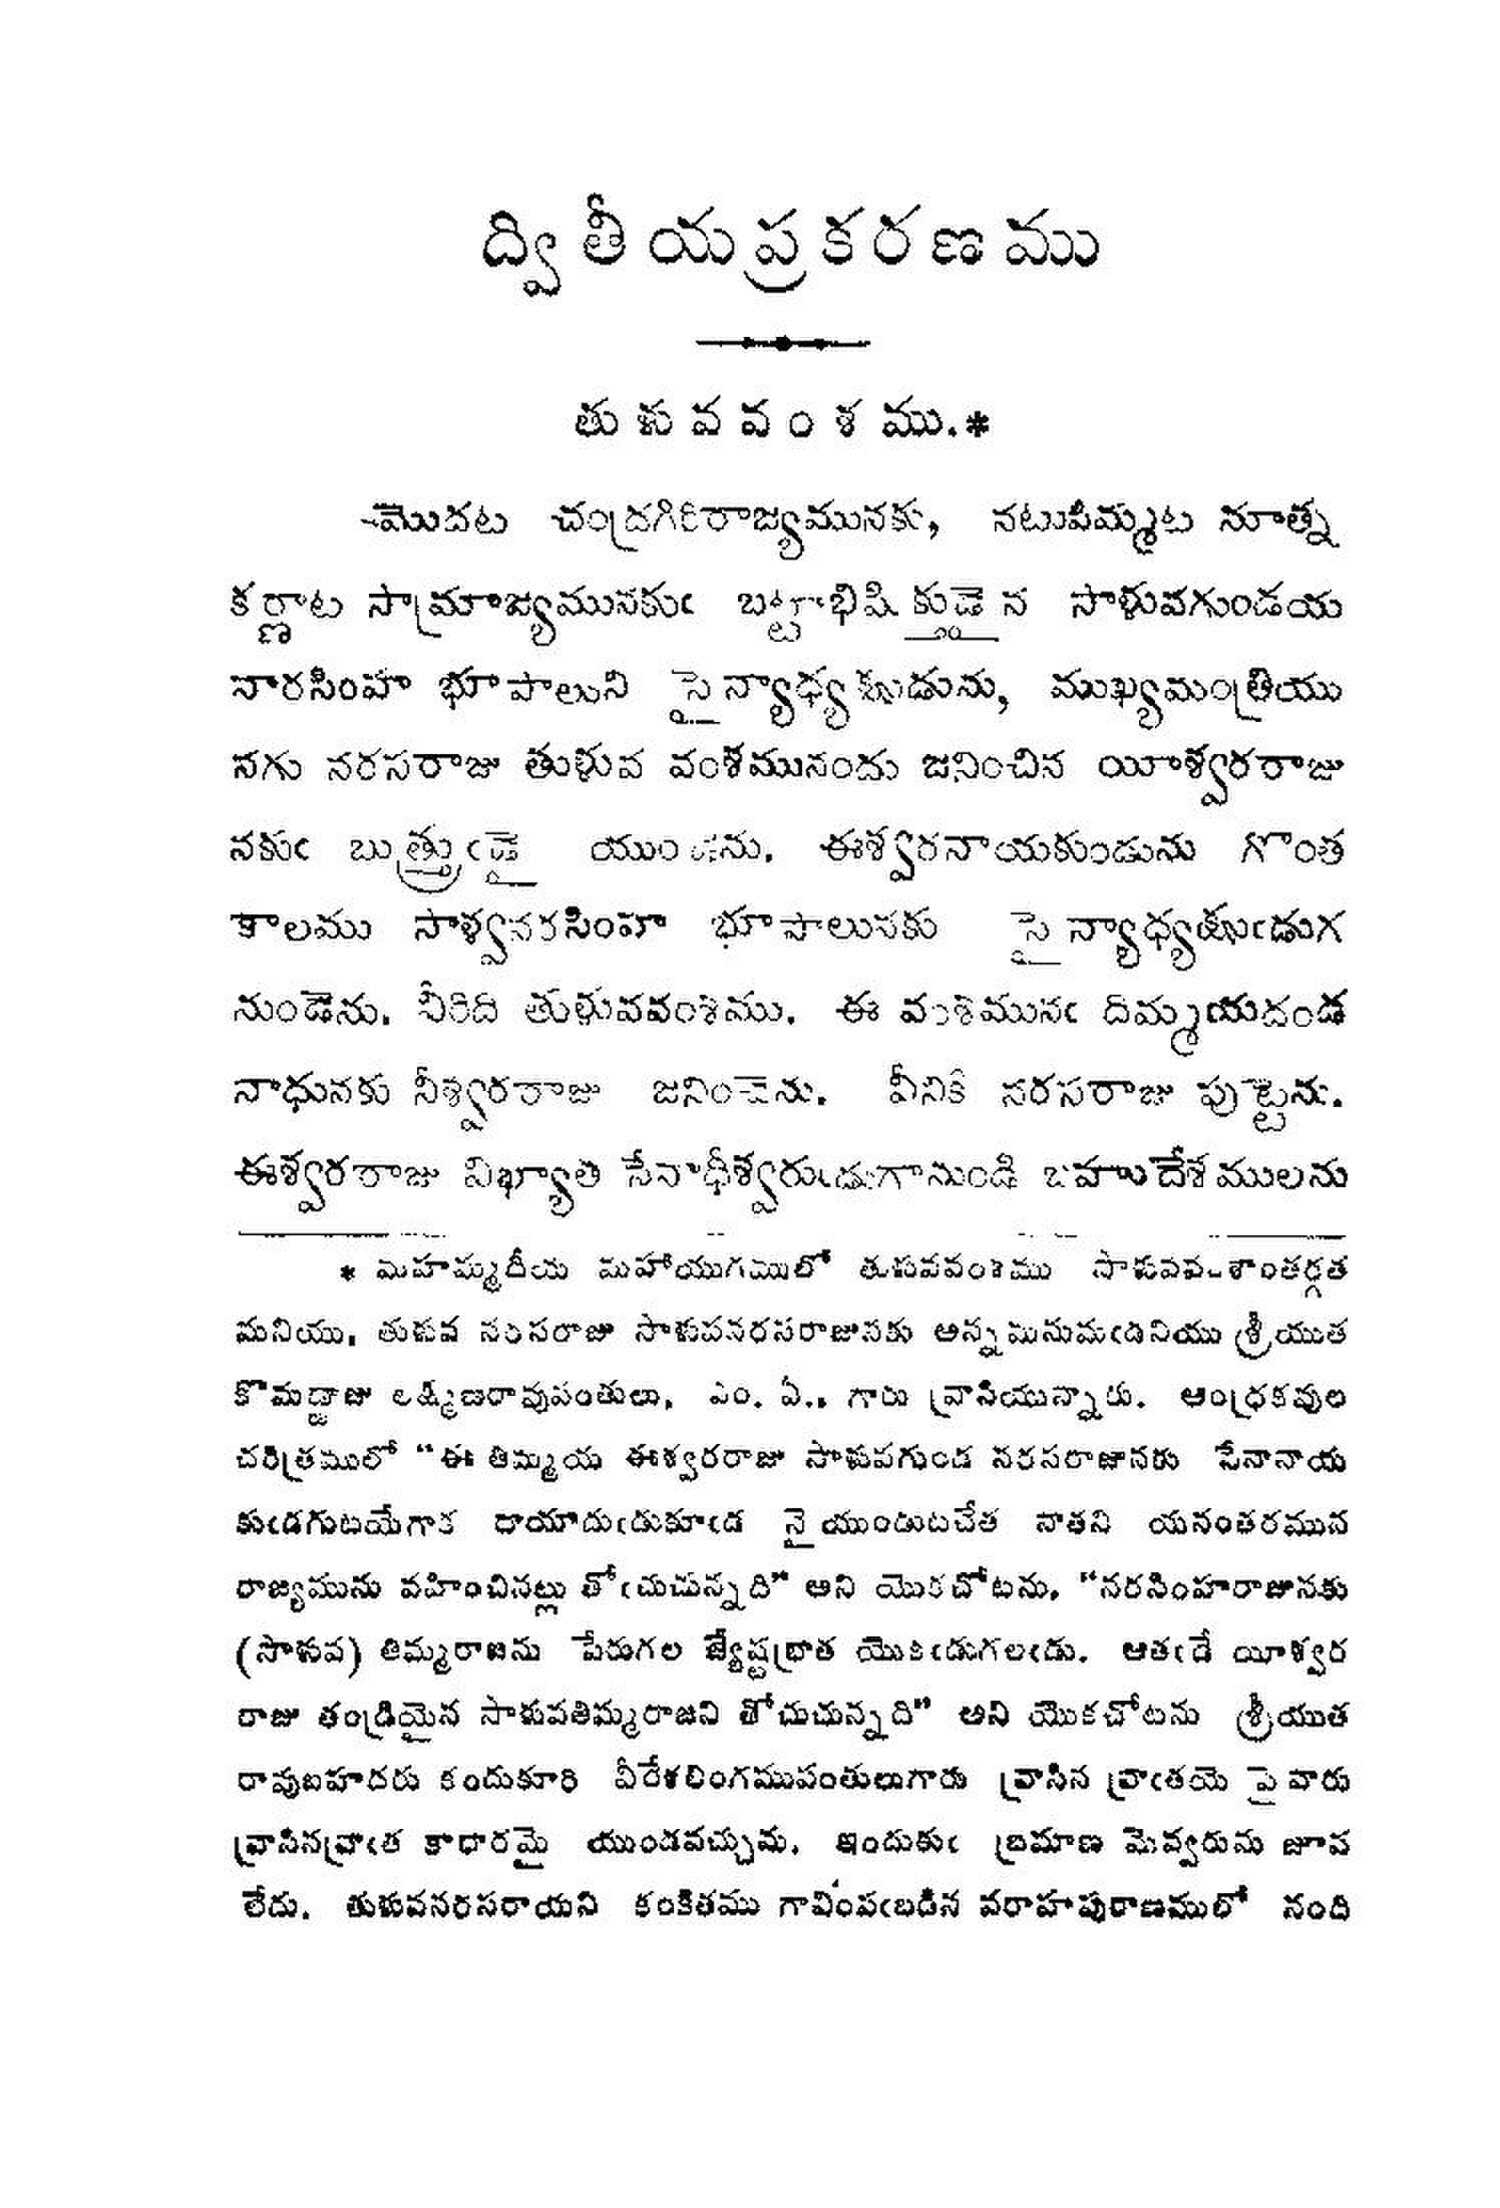ద్వితీయ ప్రకరణము
తుళువవంశము.

మొదట చంద్రగిరిరాజ్యమునకు, నటుపిమ్మట నూత్న కర్ణాట సామ్రాజ్యమునకుఁ బట్టాభిషిక్తుడైన సాళువగుండయ నారసింహ భూపాలుని సైన్యాధ్యక్షుడును, ముఖ్యమంత్రియు నగు నరసరాజు తుళువ వంశమునందు జనించిన యీశ్వరరాజునకుఁ బుత్త్రుఁడై యుండెను. ఈశ్వరనాయకుండును గొంతకాలము సాళ్వనరసింహ భూపాలునకు సైన్యాధ్యక్షుఁడుగ నుండెను. వీరిది తుళువవంశము. ఈ వంశమునఁ దిమ్మయదండనాధునకు నీశ్వరరాజు జనించెను. వీనికి నరసరాజు పుట్టెను. ఈశ్వరరాజు విఖ్యాత సేనాధీశ్వరుఁడుగానుండి బహుదేశములను